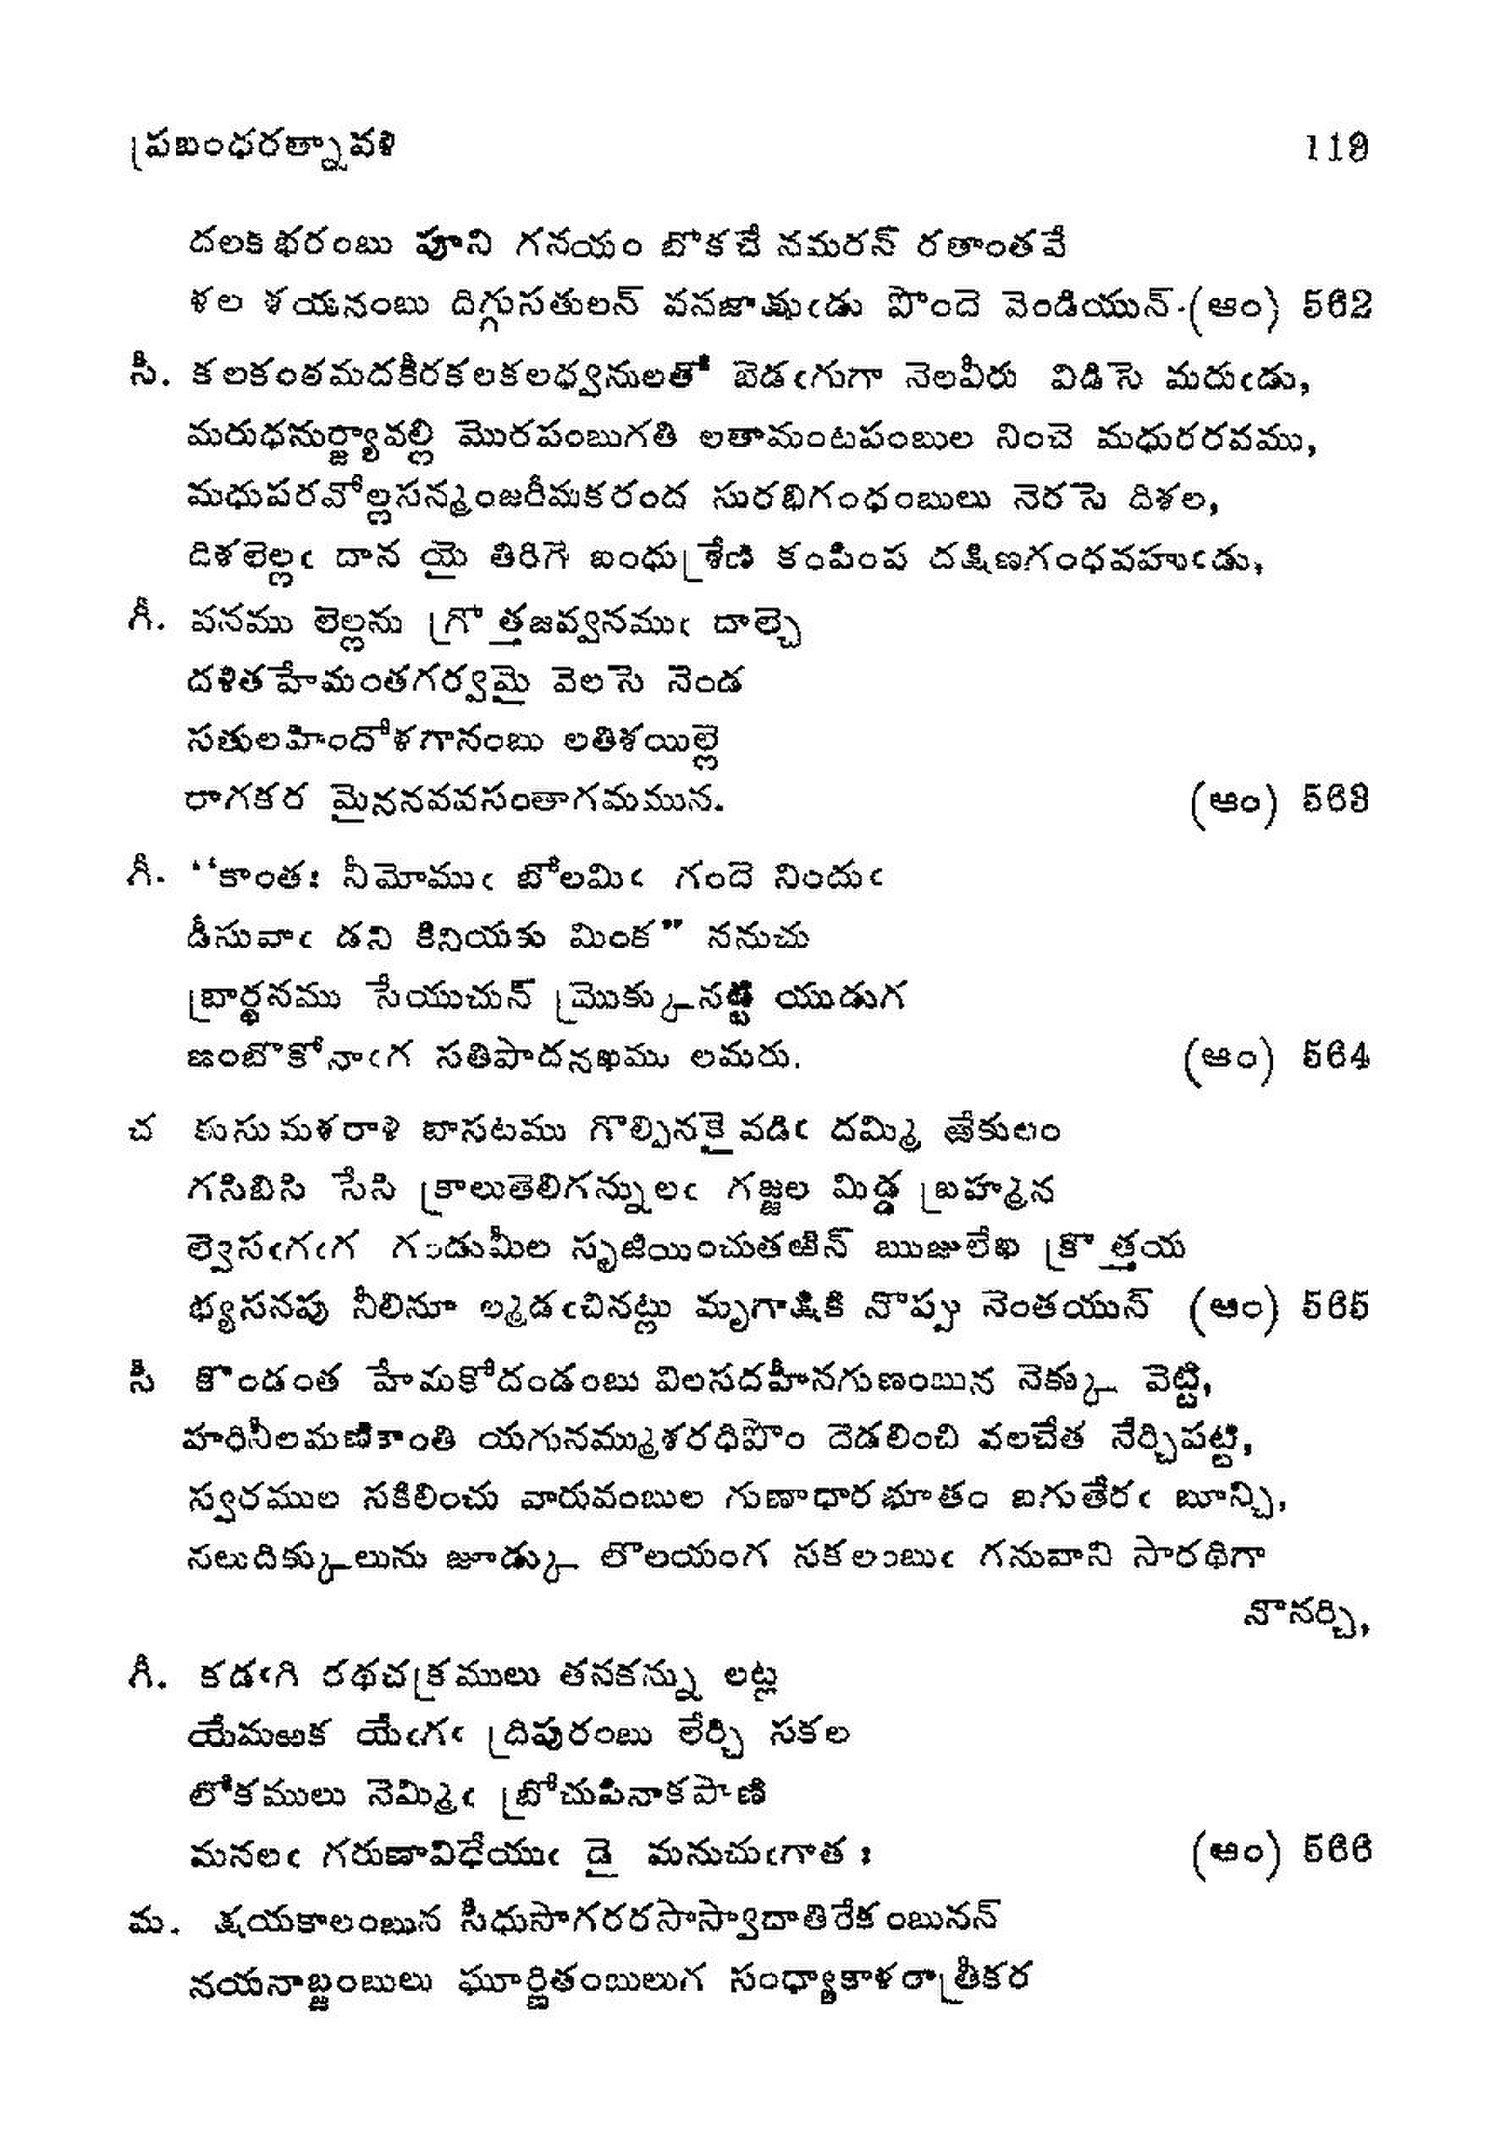దలక భరంబు పూని గనయం బొకచే నమరన్ రతాంత వే
ళల శయనంబు దిగ్గుసతులన్ వనజాక్షుండుఁ పొందె వెండియున్. (ఆం) 562

సీ. కలకంఠమదకీరకలకలధ్వనులతో బెడఁగుగా నెలవీరు విడిసె మరుఁడు,
మరుధనుర్జ్యావల్లి మొరపంబుగతి లతామంటపంబుల నించె మధురరవము,
మధుపరవోల్లసన్మంజరీమకరంద సురభిగంధంబులు నెరసె దిశల,
దిశలెల్లఁదానయై తిరిగె బంధుశ్రేణి కంపింప దక్షిణగంధవహుఁడు,
గీ. వనములెల్లను గ్రొత్తజవ్వనముఁ దాల్చె
దళితహేమంతగర్వమై వెలసె నెండ
సతుల హిందోళగానంబు లతిశయిల్లె
రాగకరమైన నవవసంతాగమమున. (ఆం) 563

గీ. “కాంత! నీ మోముఁబోలమిఁ గందె నిందుఁ
డీసువాఁడని కినియకు మింక” ననుచు
బ్రార్థనము సేయుచున్ మ్రొక్కునట్టి యుడుగ
ణంబొకో నాఁగ సతిపాద నఖము లమరు. (ఆం) 564

చ. కుసుమశరాళి బాసటము గొల్పిన కైవడిఁ దమ్మి ఱేకులం
గసిబిసి సేసి క్రాలు తెలిగన్నులఁ గజ్జల మిడ్డ బ్రహ్మ న
ల్వెఁగఁగ గండుమీల సృజియించుతఱిన్ ఋజులేఖ క్రొత్త య
భ్యసనపు నీలినూ ల్మడఁచినట్లు మృగాక్షికి నొప్పు నెంతయున్. (ఆం) 565

సీ. కొండంత హేమకోదండంబు విలసదహీనగుణంబున నెక్కు వెట్టి,
హరినీలమణి కాంతియగు నమ్ము శరధిపొం దెడలించి వలచేత నేర్చిపట్టి,
స్వరముల సకిలించు వారువంబుల గుణాధారభూతంబగు తేరఁబూన్చి,
నలుదిక్కులును జూడ్కు లొలయంగ సకలంబుఁ గను వాని సారథిగా నొనర్చి,
గీ. కడఁగి రథచక్రములు తన కన్నులట్ల
యేమఱక యేఁగఁద్రిపురంబులేర్చి సకల
లోకములు నెమ్మిఁ బ్రోచు పినాకపాణి
మనలఁ గరుణావిధేయుఁడై మనుచుఁగాత! (ఆం) 566

మ. క్షయకాలంబున సీధుసాగరరసాస్వాదాతిరేకంబునన్
నయనాబ్జంబులు ఘూర్ణితంబులుగ సంధ్యాకాళరాత్రీకర